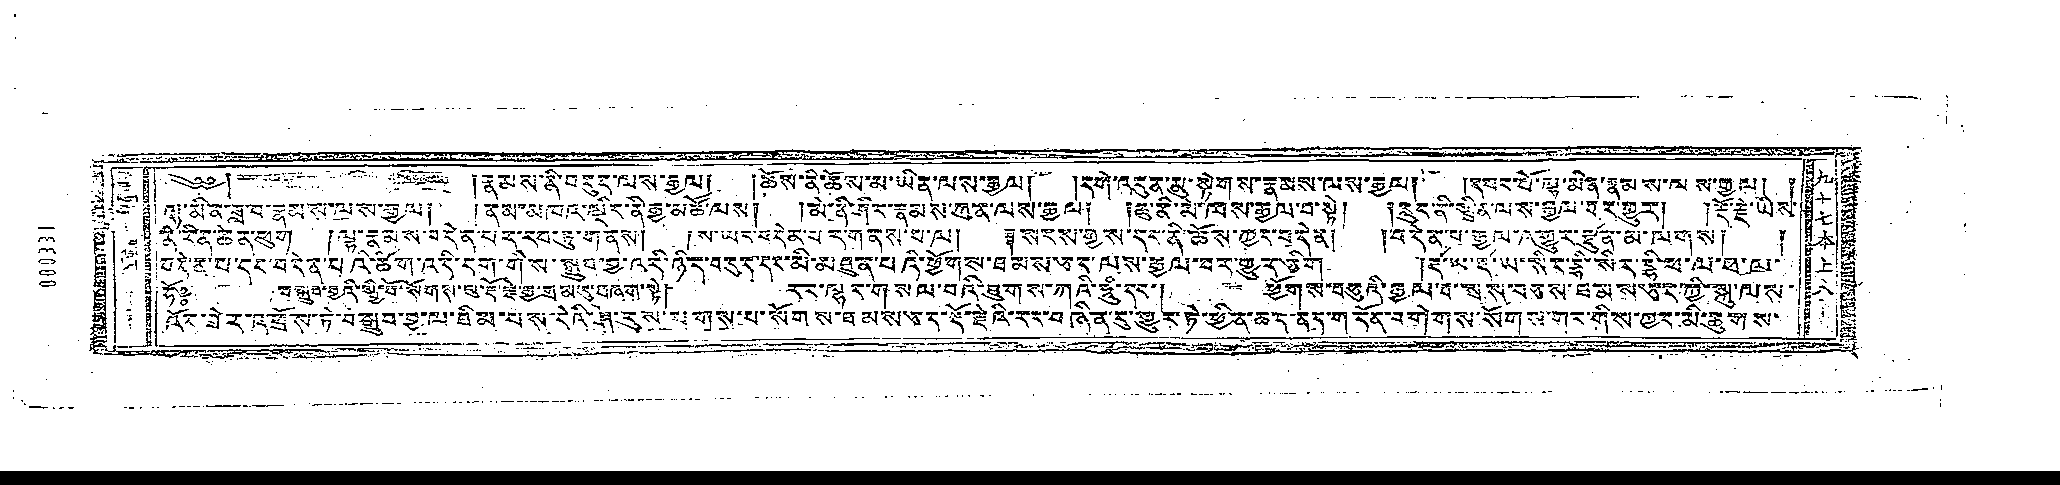༄༅། །རྣམས་ནི་བདུད་ལས་རྒྱལ། །ཆོས་ནི་ཆོས་མ་ཡིན་ལས་རྒྱལ། །དགེ་འདུན་མུ་སྟེགས་རྣམས་ལས་རྒྱལ། །དབང་པོ་ལྷ་མིན་རྣམས་ལས་རྒྱལ། །
ལྷ་མིན་ཟླ་བ་རྣམས་ལས་རྒྱལ། །ནམ་མཁའ་ལྡིང་ནི་རྒྱ་མཚོ་ལས། །མེ་ནི་ཤིང་རྣམས་ཀུན་ལས་རྒྱལ། །ཆུ་ནི་མེ་ལས་རྒྱལ་བ་སྟེ། །རླུང་ནི་སྤྲིན་ལས་རྒྱལ་བར་གྱུར། །རྡོ་རྗེ་ཡིས་
ནི་རིན་ཆེན་ཕུག །ལྷ་རྣམས་བདེན་པར་རབ་ཏུ་གནས། །ས་ཡང་བདེན་པར་གནས་པ་ལ། །སངས་རྒྱས་དང་ནི་ཆོས་ཀྱང་བདེན། །བདེན་པ་རྒྱལ་འགྱུར་རྫུན་མ་ལགས། །
བདེན་པ་དང་བདེན་པའི་ཚིག་འདི་དག་གིས་སྒྲུབ་བྱ་འདི་ཉིད་བདུད་དང་མི་མཐུན་པའི་ཕྱོགས་ཐམས་ཅད་ལས་རྒྱལ་བར་གྱུར་ཅིག །ཛ་ཡ་ཛ་ཡ་སིང་དྷི་སིད་དྷི་ཕ་ལ་ཕལ་
ཧོཿ། བསྒྲུབ་བྱའི་སྦྱི་བོ་སོགས་སུ་རྡོ་རྗེ་རྒྱ་གྲམ་དུ་བཞག་སྟེ། རང་ལྷར་གསལ་བའི་ཐུགས་ཀའི་ཧཱུཾ་དང་། ཕྱོགས་བཅུའི་རྒྱལ་བ་སྲས་བཅས་ཐམས་ཅད་ཀྱི་སྐུ་ལས་
འོད་ཟེར་འཕྲོས་ཏེ་བསྒྲུབ་བྱ་ལ་ཐིམ་པས་དེའི་ཤ་རུས་པགས་པ་སོགས་ཐམས་ཅད་རྡོ་རྗེའི་རང་བཞིན་དུ་གྱུར་ཏེ་ཕྱིན་ཆང་ནད་གདོན་བགེགས་སོགས་གང་གིས་ཁྱད་མི་ཚུགས་